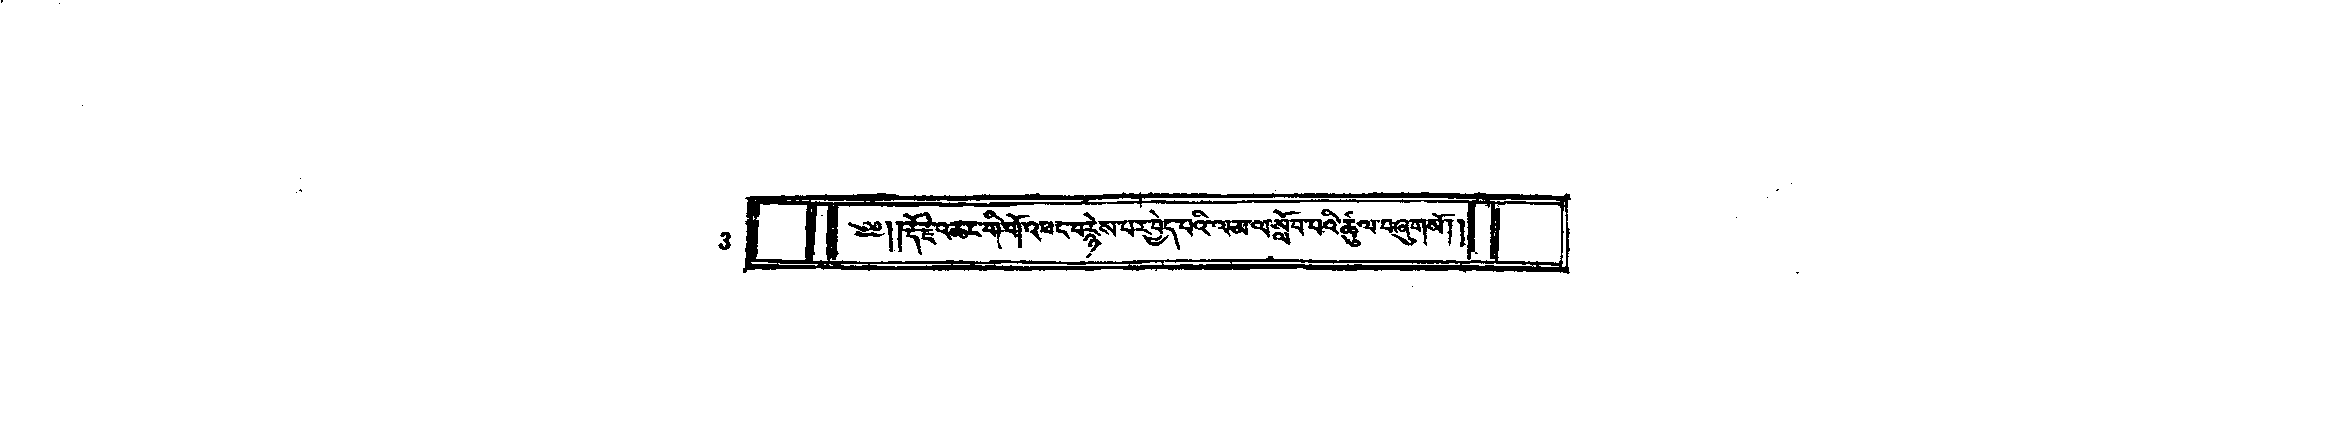༼ཤེལ་ཆོས༽ ༄༅། །རྡོ་རྗེ་འཆང་གི་གོ་འཕང་བརྙེས་པར་བྱེད་པའི་ལམ་ལ་སློབ་པའི་ཚུལ་བཞུགས། །